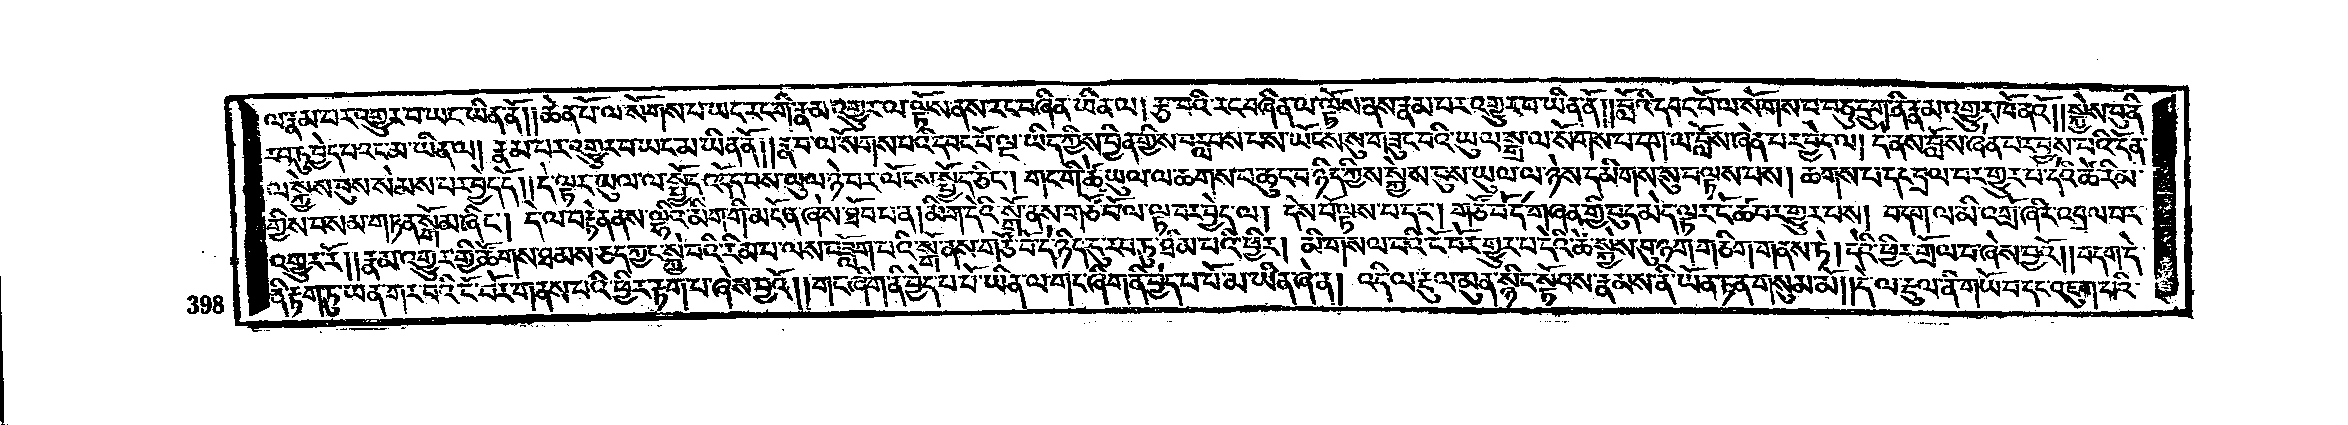ལ་རྣམ་པར་འགྱུར་བ་ཡང་ཡིན་ནོ། །ཆེན་པོ་ལ་སོགས་པ་ཡང་རང་གི་རྣམ་འགྱུར་ལ་ལྟོས་ནས་རང་བཞིན་ཡིན་ལ། རྩ་བའི་རང་བཞིན་ལ་ལྟོས་ནས་རྣམ་པར་འགྱུར་བ་ཡིན་ནོ། །བློའི་དབང་པོ་ལ་སོགས་པ་བཅུ་དྲུག་ནི་རྣམ་འགྱུར་ཁོ་ནའོ། །སྐྱེས་བུ་ནི་
རབ་ཏུ་བྱེད་པའང་མ་ཡིན་ལ། རྣམ་པར་འགྱུར་བ་ཡང་མ་ཡིན་ནོ། །རྣ་བ་ལ་སོགས་པའི་དབང་པོ་ལྔ་ཡིད་ཀྱིས་བྱིན་གྱིས་བརླབས་པས་ཡོངས་སུ་གཟུང་བའི་ཡུལ་སྒྲ་ལ་སོགས་པ་དག་ལ་བློས་ཞེན་པར་བྱེད་ལ། དེ་ནས་བློས་ཞེན་པར་བྱས་པའི་དོན་
ལ་སྐྱེས་བུས་སེམས་པར་བྱེད་དོ། །དེ་ལྟར་ཡུལ་ལ་སྤྱོད་འདོད་པས་ཡུལ་ཉེ་བར་ལོངས་སྤྱོད་ཅིང་། གང་གི་ཚེ་ཡུལ་ལ་ཆགས་པ་ཆུང་བ་ཉིད་ཀྱིས་སྐྱེས་བུས་ཡུལ་ལ་ཉེས་དམིགས་སུ་བལྟས་པས། ཆགས་པ་དང་བྲལ་བར་གྱུར་པ་དེའི་ཚེ་རིམ་
གྱིས་བསམ་གཏན་སྒོམ་ཞིང་། དེ་ལ་བརྟེན་ནས་ལྷའི་མིག་གི་མངོན་ཞེས་ཐོབ་པ་ན། མིག་དེའི་སྒོ་ནས་གཙོ་བོ་ལ་ལྟ་བར་བྱེད་ལ། དེས་བལྟས་པ་དང་། གཙོ་བོ་དེ་གཞན་གྱི་བུད་མེད་ལྟར་ངོ་ཚ་བར་གྱུར་བས། བདག་ལ་མི་འགྲོ་ཞིང་འབྲལ་བར་
འགྱུར་རོ། །རྣམ་འགྱུར་གྱི་ཚོགས་ཐམས་ཅད་ཀྱང་སྐྱེ་བའི་རིམ་པ་ལས་བཟློག་པའི་སྒོ་ནས་གཙོ་བོ་དེ་ཉིད་དུ་རབ་ཏུ་ཐིམ་པའི་ཕྱིར། མི་གསལ་བའི་ངོ་བོར་གྱུར་པ་དེའི་ཚེ་སྐྱེས་བུ་ཉག་གཅིག་གནས་ཏེ། དེའི་ཕྱིར་གྲོལ་བ་ཞེས་བྱའོ། །བདག་དེ་
ནི་རྟག་ཏུ་ཡན་གར་བའི་ངོ་བོར་གནས་པའི་ཕྱིར་རྟག་པ་ཞེས་བྱའོ། །གང་ཞིག་ནི་བྱེད་པ་པོ་ཡིན་ལ་གང་ཞིག་ནི་བྱེད་པ་པོ་མ་ཡིན་ཞེ་ན། འདི་ལ་རྡུལ་མུན་སྙིང་སྟོབས་རྣམས་ནི་ཡོན་ཏན་གསུམ་མོ། །དེ་ལ་རྡུལ་ནི་གཡོ་བ་དང་འཇུག་པའི་